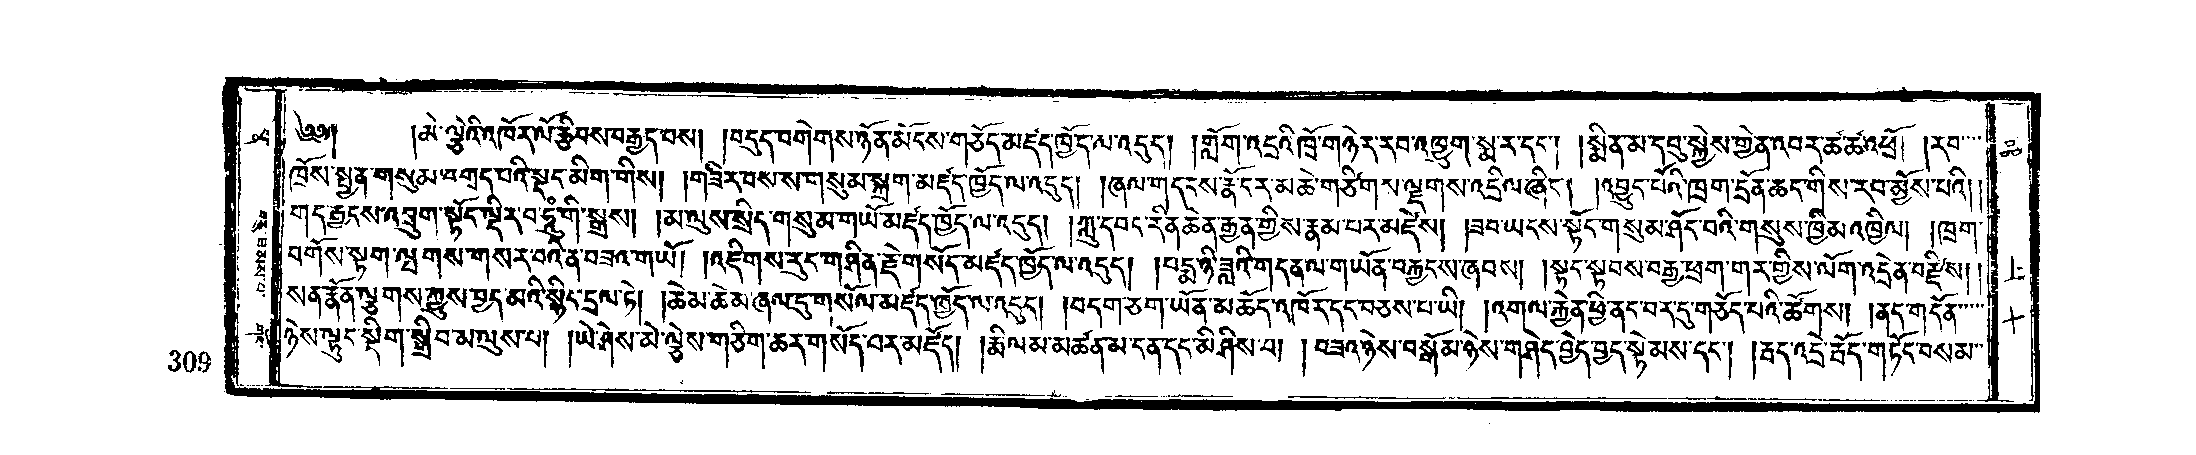༄༅། །མེ་ལྕེའི་འཁོར་ལོ་རྩིབས་བརྒྱད་པས། །བདུད་བགེགས་ཉོན་མོངས་གཅོད་མཛད་ཁྱོད་ལ་འདུད། །གློག་འདྲའི་ཁྲོ་གཉེར་རབ་འཁྱུག་སྨ་ར་དང་། །སྨིན་མ་དབུ་སྐྱེས་གྱེན་འབར་ཚ་ཚ་འཕྲོ། །རབ་
ཁྲོས་སྤྱན་གསུམ་བགྲད་པའི་སྡང་མིག་གིས། །གཟིར་བས་ས་གསུམ་སྐྲག་མཛད་ཁྱོད་ལ་འདུད། །ཞལ་གདངས་རྣོ་ངར་མཆེ་གཙིགས་ལྗགས་འདྲིལ་ཞིང་། །འབྱུང་པོའི་ཁྲག་དྲོན་ཆང་གིས་རབ་མྱོས་པའི། །
གད་རྒྱངས་འབྲུག་སྟོང་ལྡིར་བ་ཧཱུཾ་གི་སྒྲས། །མ་ལུས་སྲིད་གསུམ་གཡོ་མཛད་ཁྱོད་ལ་འདུད། །ཀླུ་དབང་རིན་ཆེན་རྒྱན་གྱིས་རྣམ་པར་མཛེས། །ཟབ་ཡངས་སྟོང་གསུམ་ཤོང་བའི་གསུས་ཁྱིམ་འཁྱིལ། །ཁྲག་
བགོས་སྟག་ལྤགས་གསར་བའི་ན་བཟའ་གཡོ། །འཇིགས་རུང་གཤིན་རྗེ་གསོད་མཛད་ཁྱོད་ལ་འདུད། །པདམ་ཉི་ཟླའི་གདན་ལ་གཡོན་བརྐྱངས་ཞབས། །སྟང་སྟབས་བརྒྱ་ཕྲག་གར་གྱིས་ལོག་འདྲེན་བརྫིས། །
སན་རྣོན་ལྕགས་ཀྱུས་བྱད་མའི་སྙིང་དྲལ་ཏེ། །ཆེམ་ཆེམ་ཞལ་དུ་གསོལ་མཛད་ཁྱོད་ལ་འདུད། །བདག་ཅག་ཡོན་མཆོད་འཁོར་དང་བཅས་པ་ཡི། །འགལ་རྐྱེན་ཕྱི་ནང་བར་དུ་གཅོད་པའི་ཚོགས། །ནད་གདོན་
ཉེས་ལྟུང་སྡིག་སྒྲིབ་མ་ལུས་པ། །ཡེ་ཤེས་མེ་ལྕེས་གཅིག་ཆར་གསོད་བར་མཛོད། །རྨི་ལམ་མཚན་མ་ངན་དང་མི་ཤིས་པ། །བཟའ་ཉེས་བསྒོམ་ཉེས་གཤེད་བྱེད་བྱད་སྟེམས་དང་། །རྦད་འདྲེ་རྦོད་གཏོང་བསམ་